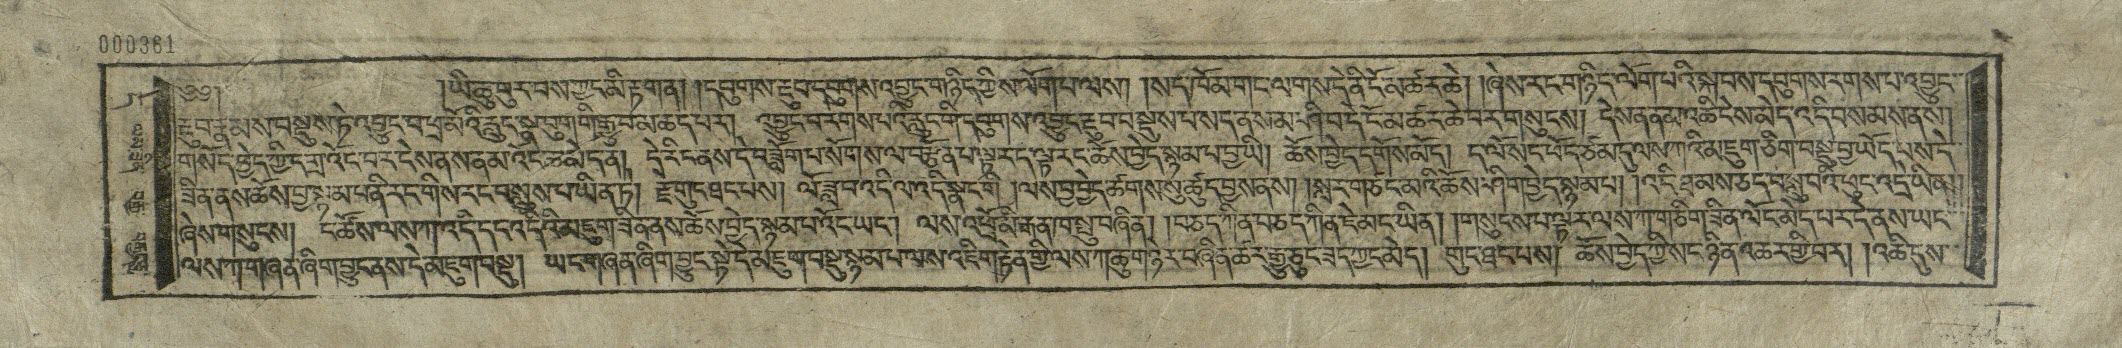༄༅། །ཡི་ཆུ་བུར་བས་ཀྱང་མི་རྟག་ན། །དབུགས་རྔུབ་དབུགས་འབྱུང་གཉིད་ཀྱིས་ལོག་པ་ལས། །སད་ཁོམ་གང་ལགས་དེ་ནི་ངོ་མཚར་ཆེ། །ཞེས་རང་གཉིད་ལོག་པའི་སྐབས་དབུགས་རགས་པ་འབྱུང་
རྔུབ་རྣམས་བསྡུས་ཏེ་འབྱུང་བ་ཕྲ་མོའི་རླུང་སྣ་བུག་གི་རྒྱུ་བ་མ་ཆད་པར། འབྱུང་བ་རགས་པའི་རླུང་གི་དབུགས་འབྱུང་རྔུབ་བསྡུས་པ་སད་ནས་མ་ཤི་བ་དེ་ངོ་མཚར་ཆེ་བར་གསུངས། དེས་ན་ནམ་འཆི་ངེས་མེད་འདི་བསམས་ནས།
གསོད་བྱེད་ཀྱི་དགྲ་འོང་བར་ངེས་ནས་ནམ་འོང་ཆ་མེད་ན། དེ་རིང་ནས་དེ་བཟློག་པ་སོགས་ལ་བརྩོན་པ་ལྟར་ད་ལྟ་རང་ཆོས་བྱེད་སྙམ་པ་བྱ་ཡི། ཆོས་བྱེད་དགོས་མོད། ད་ལོ་སང་ཕོད་ཙམ་དུ་ལས་ཀའི་མཇུག་ཅིག་བསྡུ་བྱ་ཡོད་པས་དེ་
ཟིན་ནས་ཆོས་བྱ་སྙམ་པ་ནི་རང་གིས་རང་བསླུས་པ་ཡིན་ཏེ། རྗེ་གུང་ཐང་པས། ལོ་ཟླ་བ་འདི་ལ་འདི་སྣང་གི །ལས་བྱ་བྱེད་ཚགས་སུ་ཚུད་བྱས་ནས། །སླར་གཙང་མའི་ཆོས་ཤིག་བྱེད་སྙམ་པ། །འདི་ཐམས་ཅད་བསླུ་བའི་ཕུང་འདྲེ་ཡིན།།
ཞེས་གསུངས། ང་ཚོས་ལས་ཀ་འདི་དང་འདིའི་མཇུག་ཟིན་ནས་ཆོས་བྱེད་སྙམ་པ་འོང་ཡང་། ལས་འཕྲོ་མི་རྒན་ཁ་སྤུ་བཞིན། །བཅད་ཀིན་བཅད་ཀིན་ཇེ་མང་ཡིན། །གསུངས་པ་ལྟར་ལས་ཀ་གཅིག་ཟིན་ལོང་མེད་པར་དེ་ནས་ཡང་
ལས་ཀ་གཞན་ཞིག་བྱུང་ནས་དེ་མཇུག་བསྡུ། ཡང་གཞན་ཞིག་བྱུང་སྟེ་དེ་མཇུག་བསྡུ་སྙམ་པ་ལས་འཇིག་རྟེན་གྱི་ལས་ཀ་ཆུ་གཉེར་བཞིན་ཚར་རྒྱུ་ཅུང་ཟད་ཀྱང་མེད། གུང་ཐང་པས། ཆོས་བྱེད་ཀྱི་སང་ཉིན་འཆར་གྱི་བར། །འཆི་དུས་